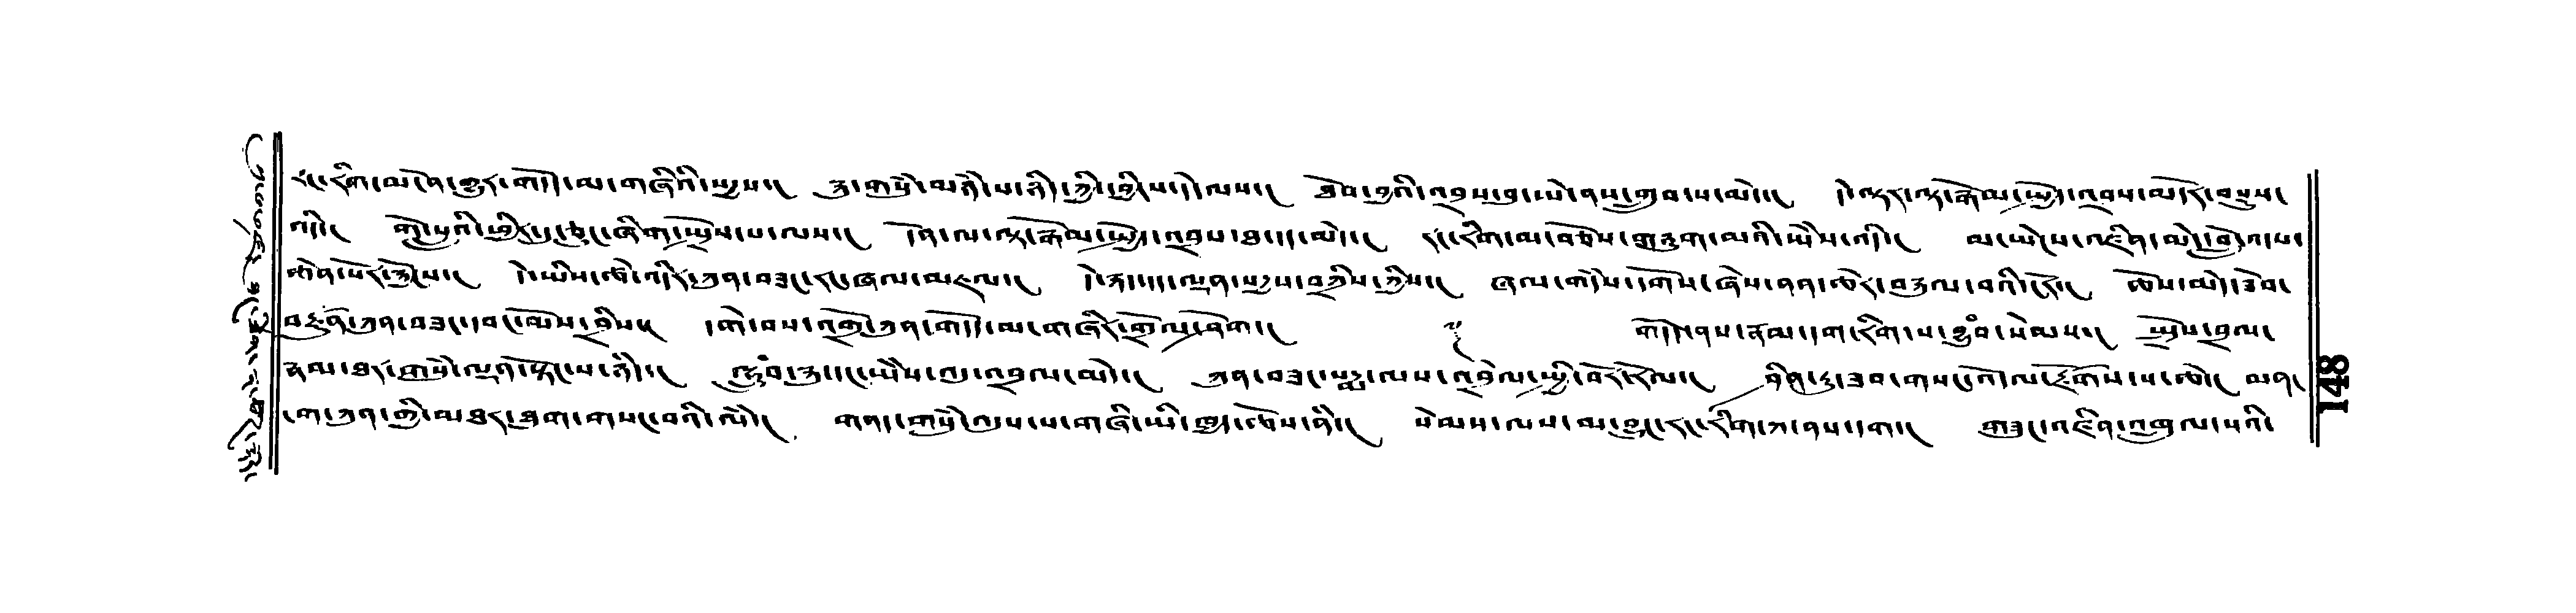།རང་རིག་མངོན་གྱུར་གདོད་མ་གཞིའི་སངས་རྒྱས། །སྐུ་གསུམ་མཉམ་པ་ཉིད་ཀྱི་དབྱིངས་དེ་ལས། །ཐོབ་བྱའི་འབྲས་བུ་ཡེ་ནས་གྲུབ་པ་མེད། །དེ་ལྟར་ལྟ་སྒོམ་སྤྱོད་འབྲས་མདོར་བསྡུས་
འདི། །གོ་སླའི་ཕྱིར་དུ་ཅུང་ཞིག་སྤྲོས་པ་ལས། །དོན་ལ་ལྟ་སྒོམ་སྤྱོད་འབྲས་ཐ་དད་མེད། །རང་རིག་མ་བཅོས་གཉུག་མའི་ཡེ་ཤེས་འདི། །མ་ཡེངས་འཛིན་མེད་བློ་འདས་
ཆེན་པོར་སྐྱོངས། །དེ་ཡིས་ཚེ་འདིར་ཀུན་བཟང་རང་ཞལ་མཇལ། །དེ་སྐད་དད་ལྡན་སངས་རྒྱས་བཀྲ་ཤིས་ཀྱིས། །ཞལ་གདམས་དགོས་ཞེས་ནན་ཆེར་བསྐུལ་བའི་ངོར། །ཆོས་མེད་ཟོབ་
བརྫུན་ཀུན་བཟང་དབང་མོས་བྲིས། །དགེ་བས་འགྲོ་ཀུན་གདོད་མའི་གཞིར་གྲོལ་ཤོག། དགེའོ།། ༈ གདོད་ནས་རྣམ་དག་རིག་པ་བྱང་ཆུབ་སེམས། །སྤྲོས་བྲལ་
རྣམ་ཐར་གསུམ་ལྡན་སྟོང་པ་ཉིད། །ལྷུན་གྲུབ་སྐུ་དང་ཡེ་ཤེས་འདུ་འབྲལ་མེད། །ཀུན་བཟང་པདྨ་ལས་འབྲེལ་སྤྱི་བོར་རོལ། །ཤིན་ཏུ་ཟབ་གསང་འོད་གསལ་རྫོགས་པ་ཆེ། །མན་
ངག་ཀུན་གྱི་མཐར་ཐུག་གསང་བའི་ལམ། །གནད་གསུམ་འདུས་པ་གཞི་ཡི་ཁྱད་ཆོས་ནི། །སེམས་ལས་མ་བྱུང་རང་རིག་ཀ་ནས་དག །གཟུང་འཛིན་འཁྲུལ་པའི་